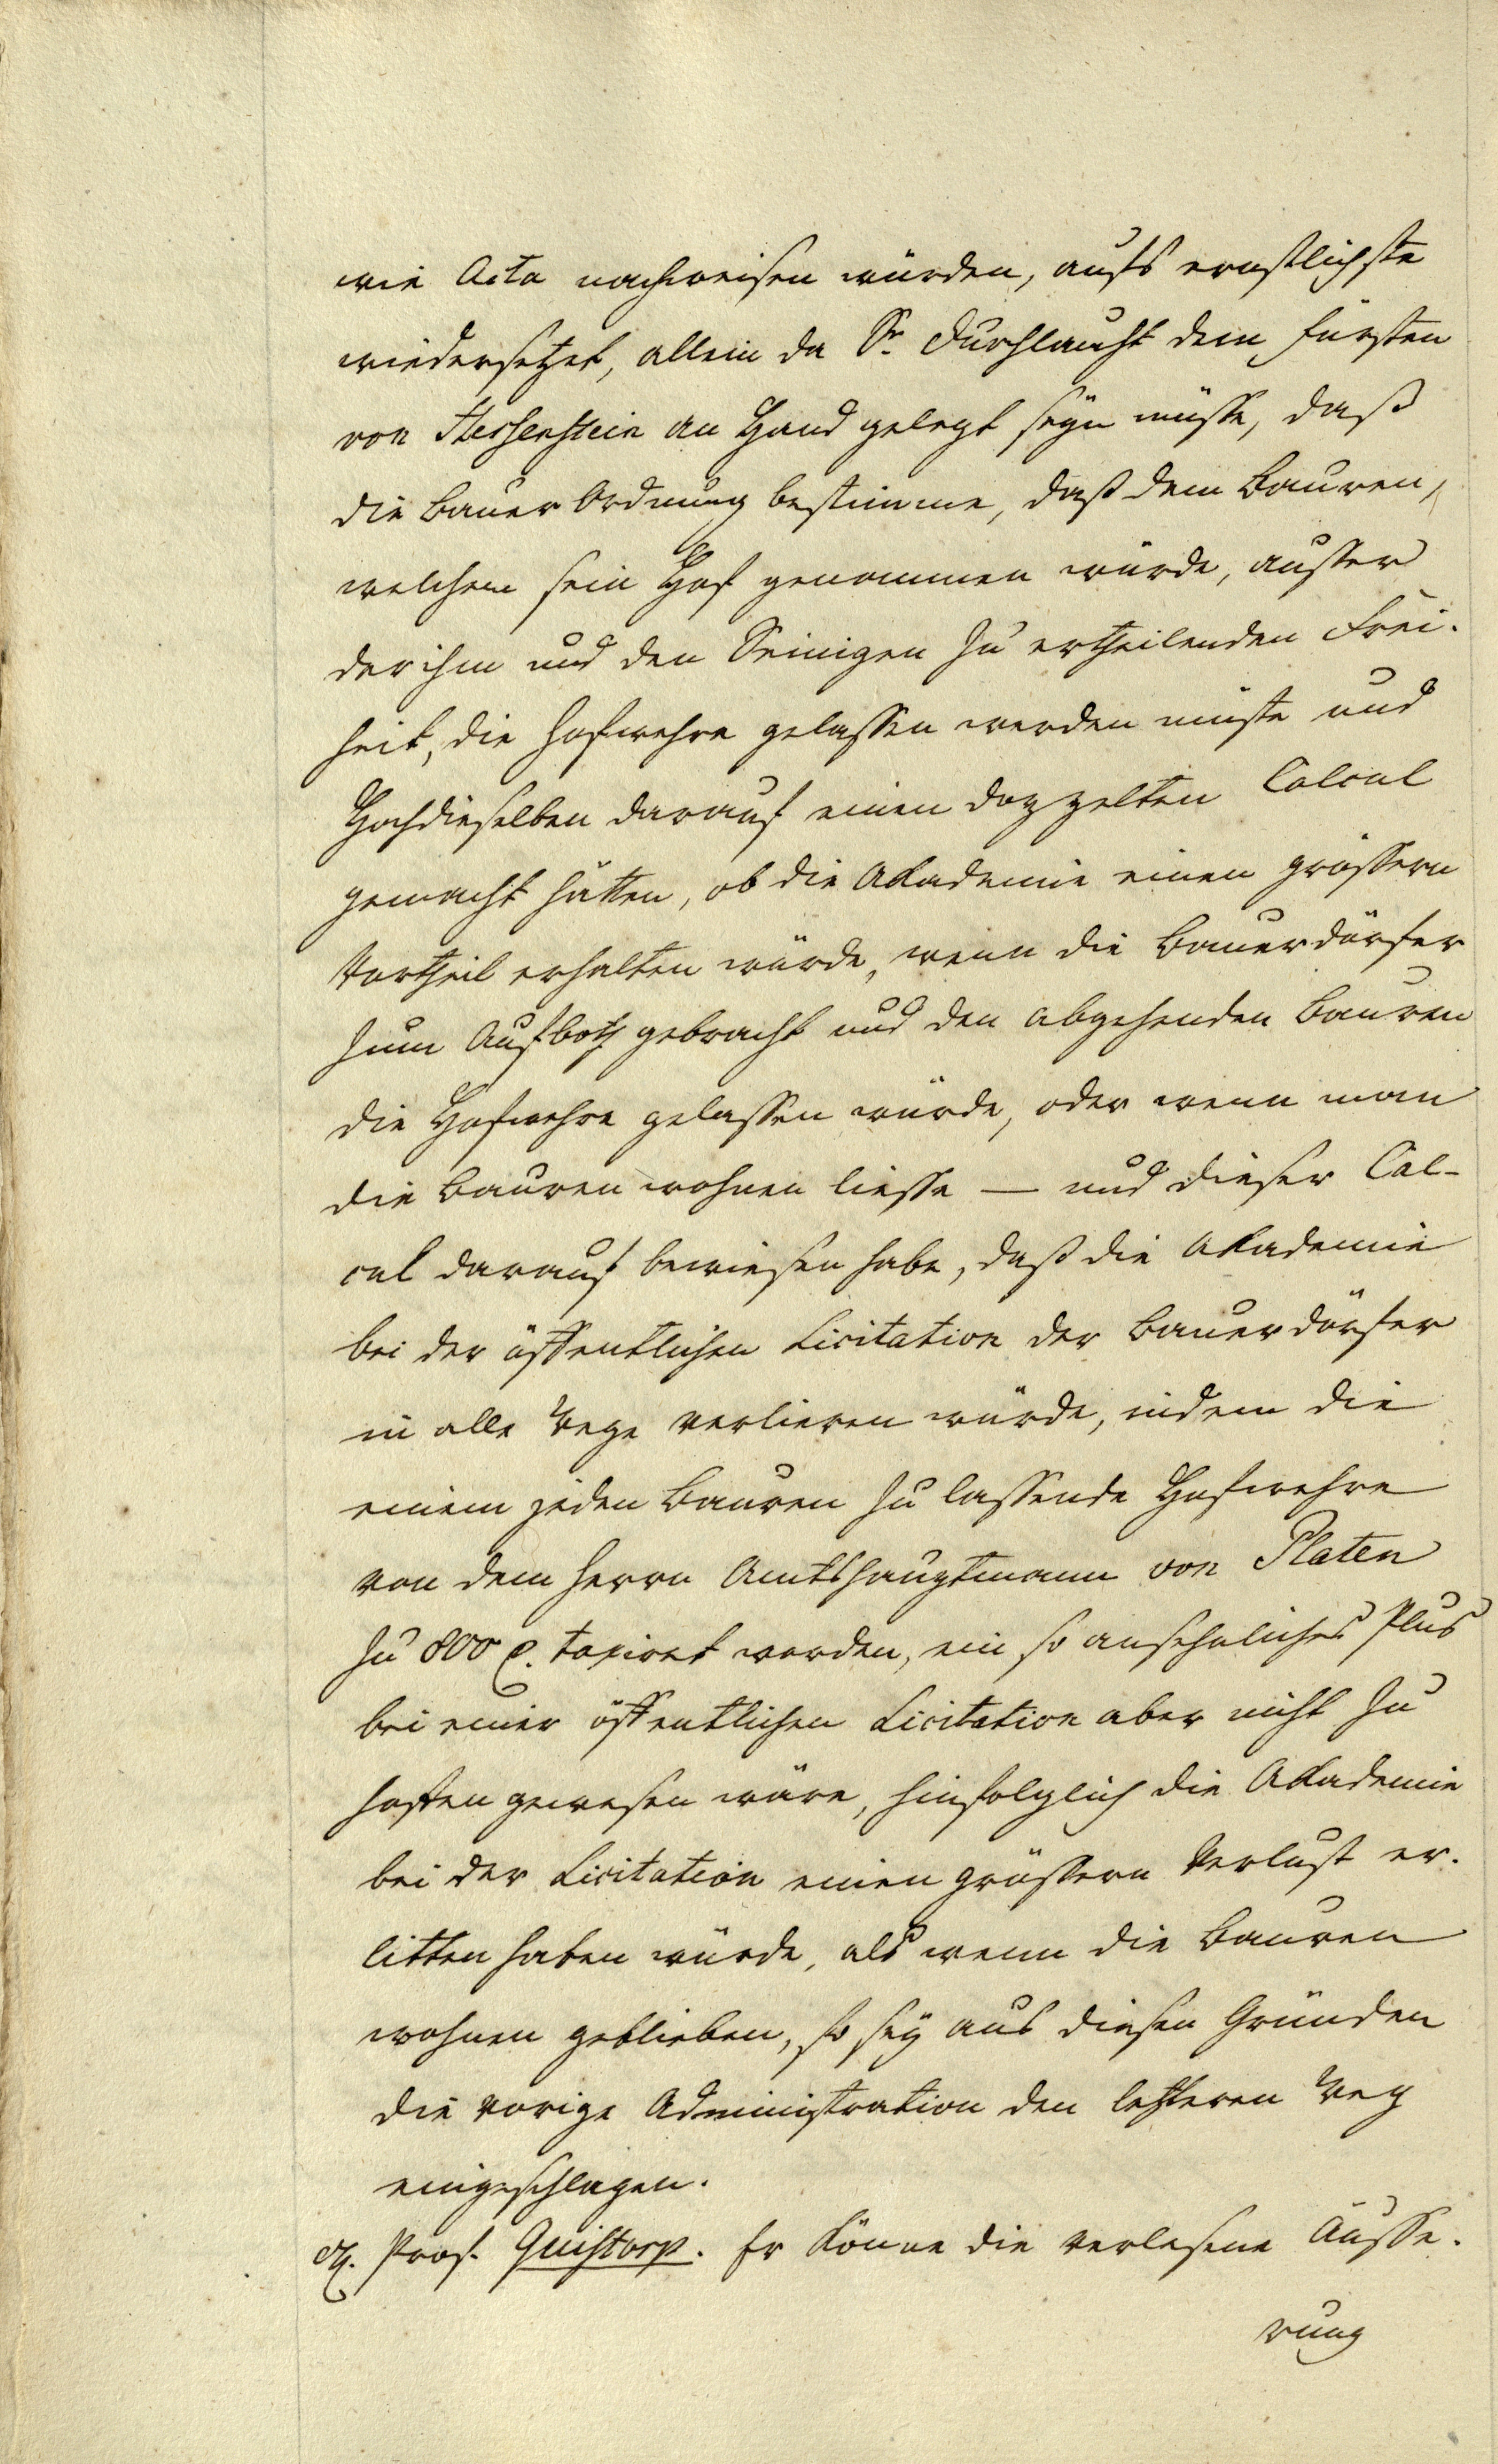wie Acta nachweisen würden, aufs ernstlichste
wiedersetzet, allein da Sr Durchlaucht dem Fürsten
von Hessenstein an Hand gelegt seÿn müsse, daß
die Bauer Ordnung bestimme, daß dem Bauren,
welchem sein Hof genommen würde, ausser
der ihm und den Seinigen zu ertheilenden Frei¬
heit, die Hofwehre gelassen werden müßte und
Hochdieselben darauf einen doppelten Calcul
gemacht hätten, ob die Akademie einen grössern
Vortheil erhalten würde, wenn die Bauerdörfer
zum Aufboth gebracht und den abgehenden Bauren
die Hofwehre gelassen würde, oder wenn man
die Bauren wohnen liesse und dieser Cal¬
cul darauf bewiesen habe, daß die Akademie
bei der öffentlichen Licitation der Bauerdörfer
in alle Wege verlieren würde, indem die
einem den Bauren zu lassende Hofwehre
von dem Herrn Amtshauptmann von Platen
zu 800 l. taxiret worden, ein so ansehnliches Plus
bei einer öffentlichen Licitation aber nicht zu
hoffen gewesen wäre, hinfolglich die Akademie
bei der Licitation einen größern Verlust er¬
litten haben würde, als wenn die Bauren
wohnen geblieben, so seÿ aus diesen Gründen
die vorige Administration den letzteren Weg
eingeschlagen.
dh. Prof. Quistorp. Er könne die verlesene Äusse¬
rung